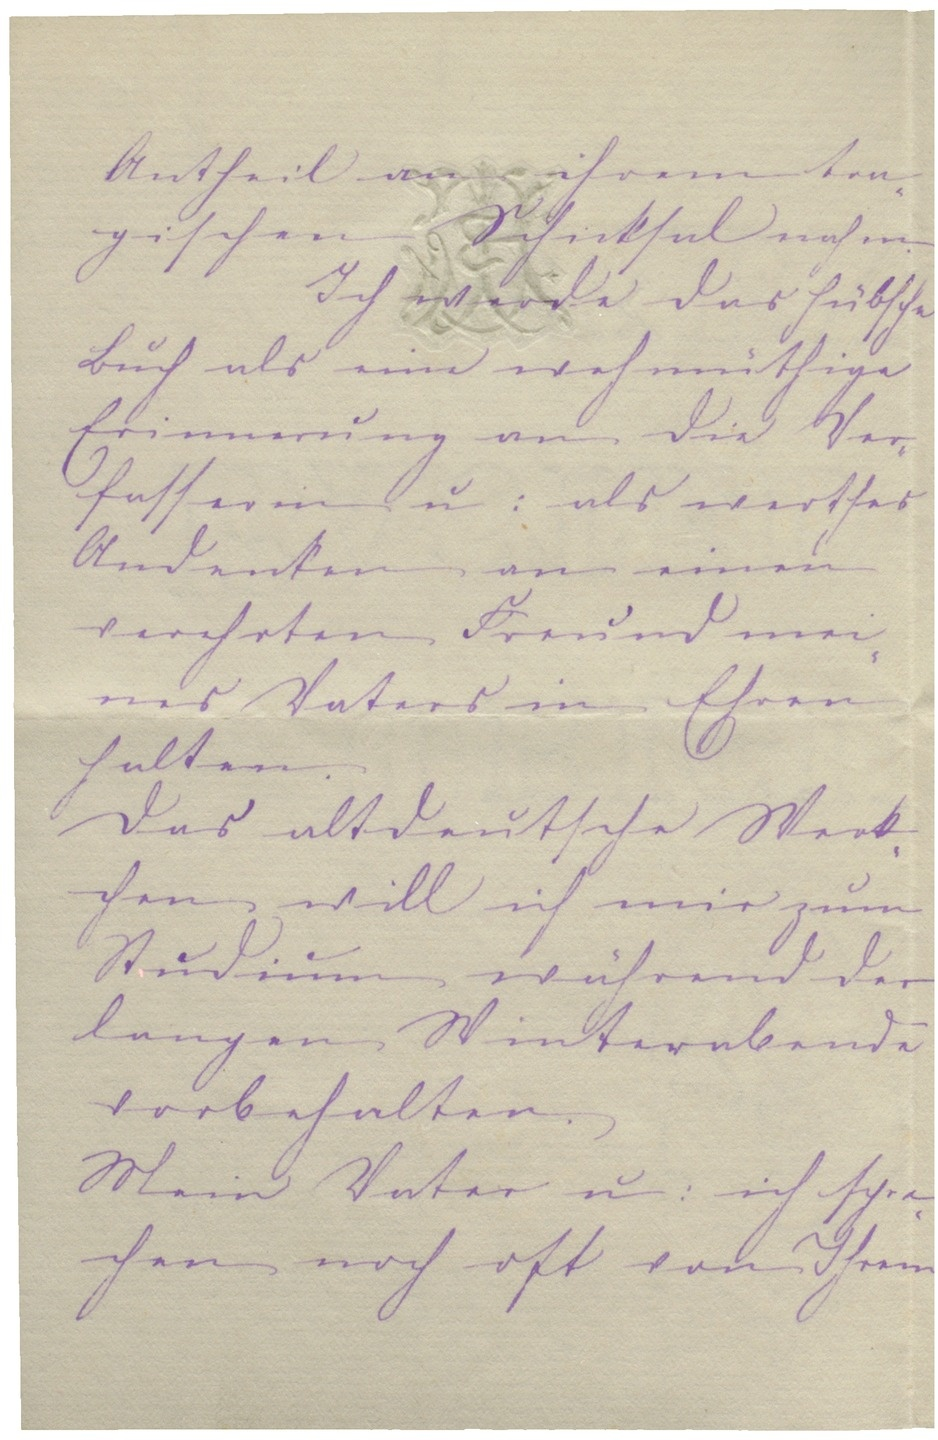Antheil an ihrem tra-
gischen Schicksal nahm.
Ich werde das hübsche
Buch als eine wehmüthige
Erinnerung an die Ver-
fasserin u: als werthes
Andenken an einen
verehrten Freund mei-
nes Vaters in Ehren
halten.
Das altdeutsche Werk-
chen will ich mir zum
Studium während der
langen Winterabende
vorbehalten.
Mein Vater u: ich spre-
chen noch oft von Ihrem